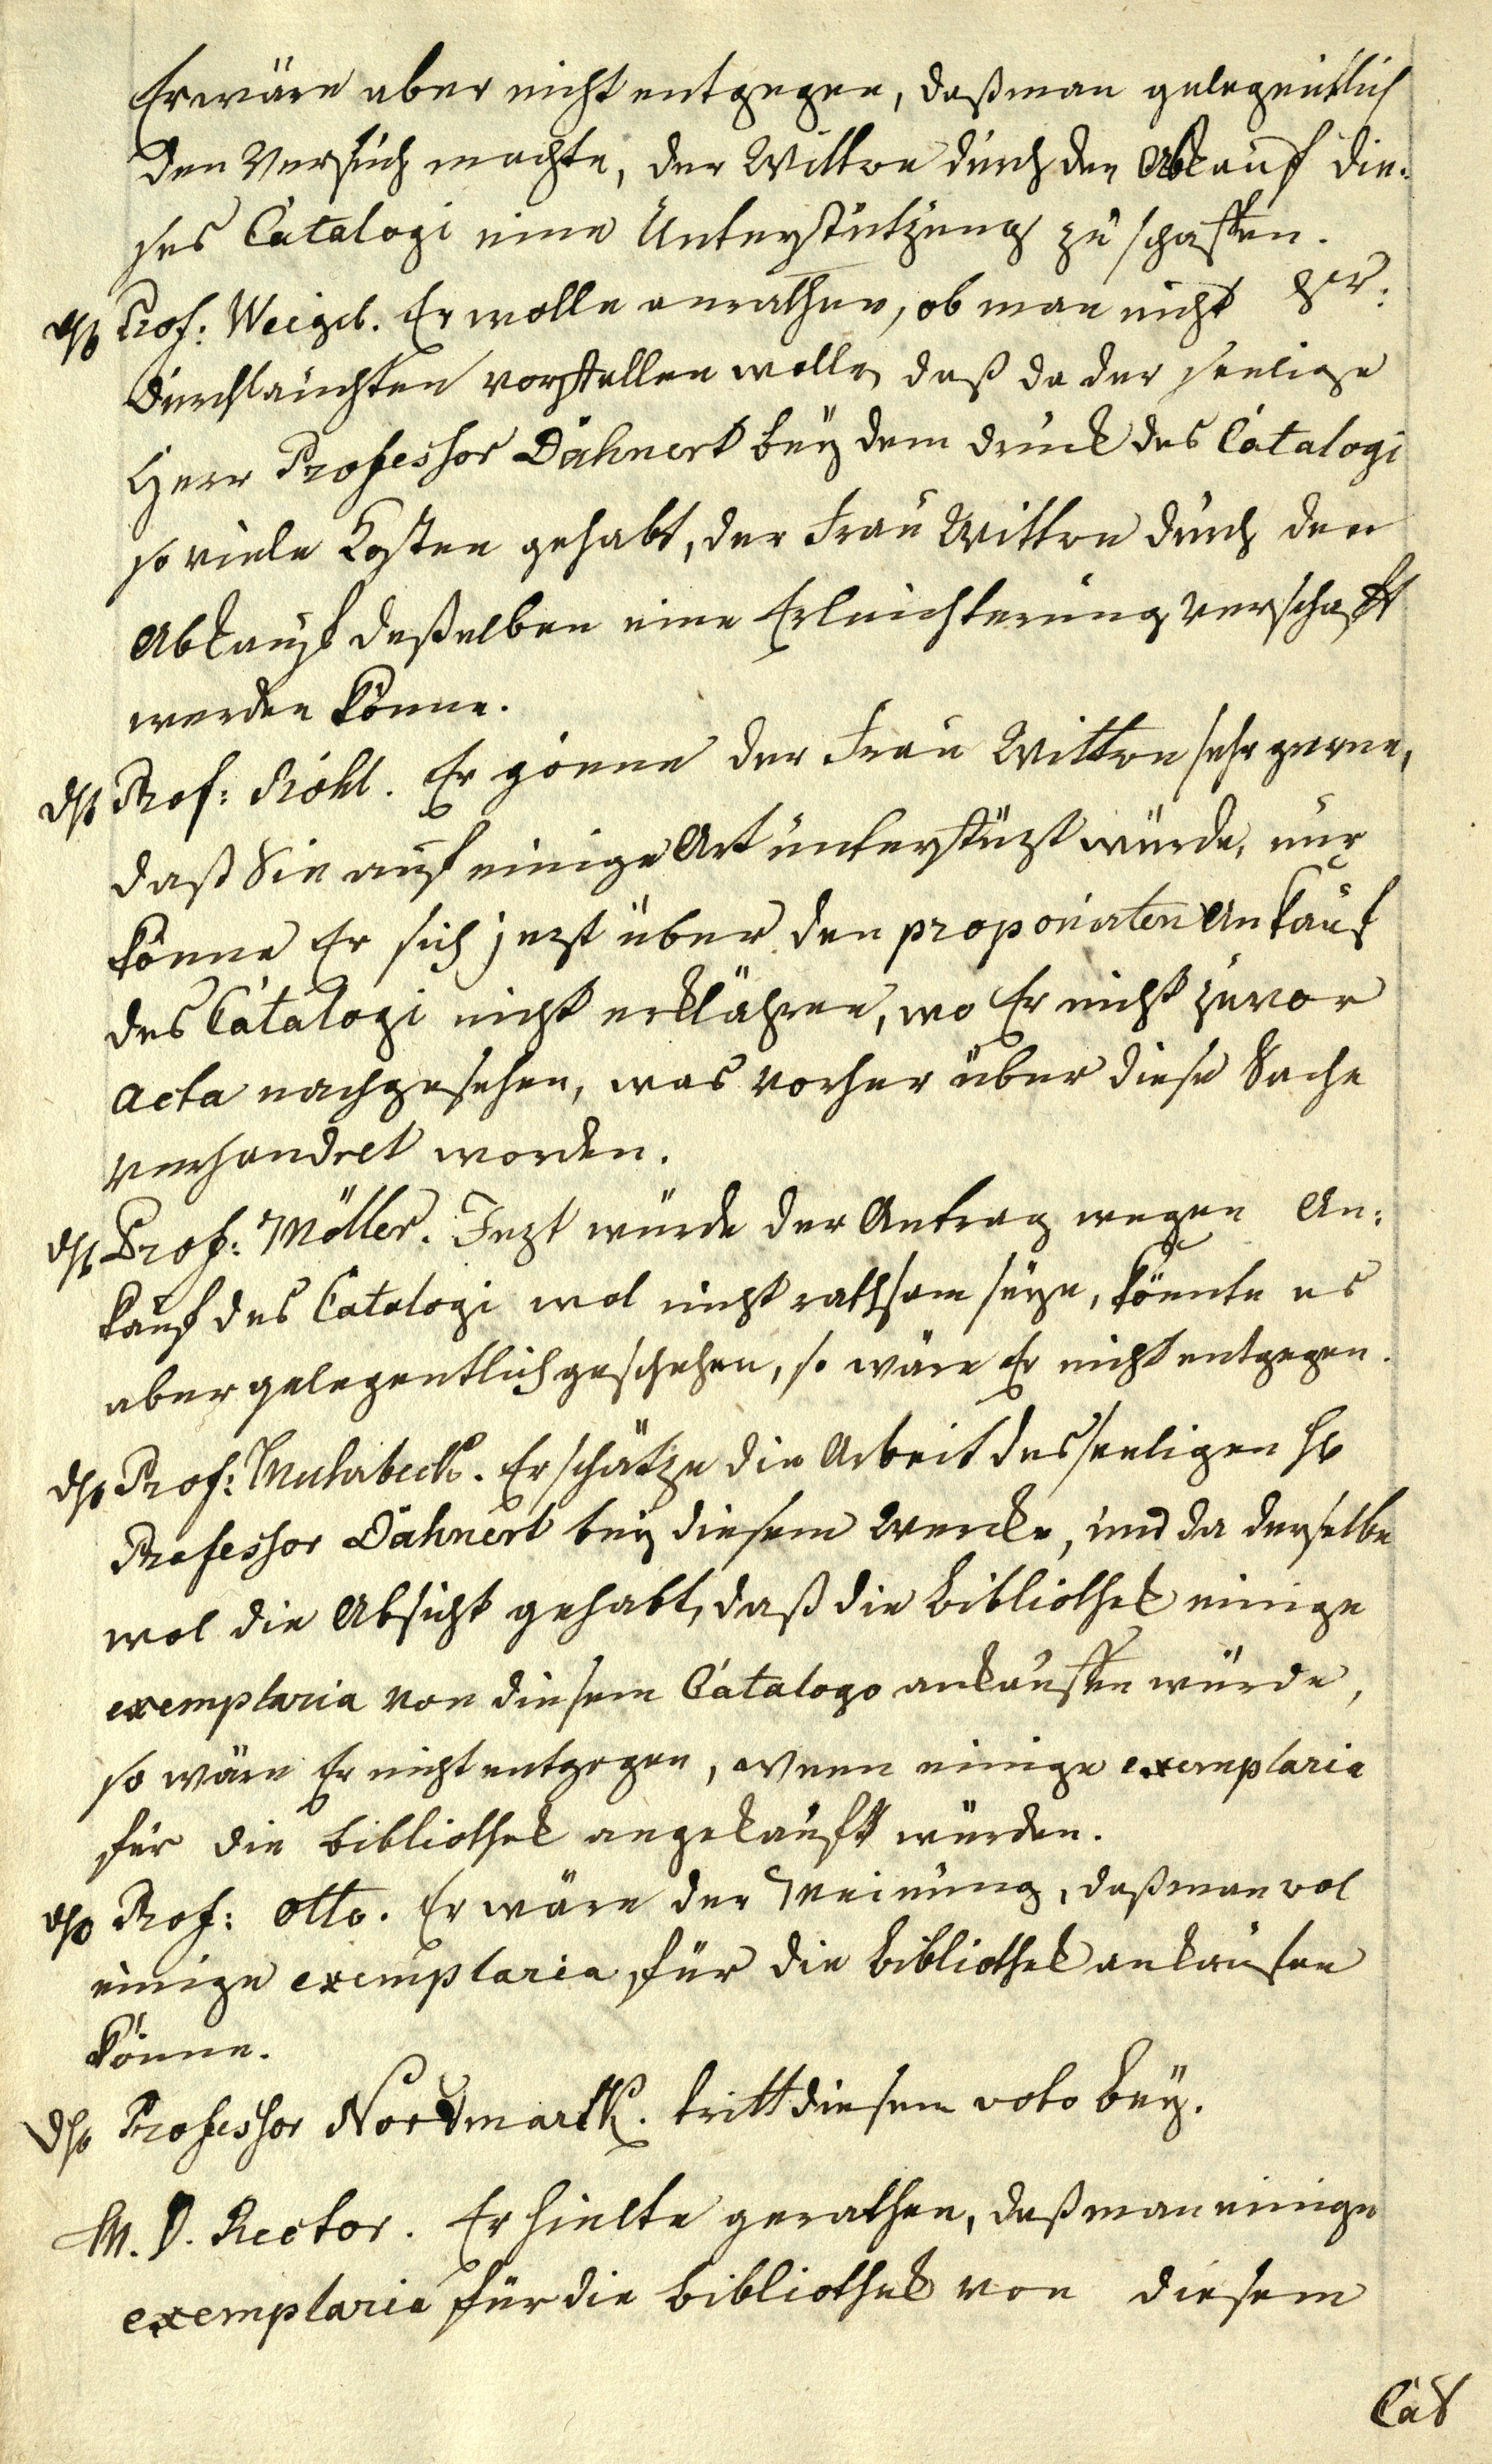Er wäre aber nicht entgegen, daß man gelegentlich
den Versuch machte, der Wittwe durch der Abkauf die¬
ses Catalogi eine Unterstützung zu schaffen.
dh. Prof. Weigel. Er wolle anrathen, ob man nicht Sr
Durchlauchten vorstellen wolle, daß da der seelige
Herr Professor Dähnert beÿ dem Druck das Catalogi
so viele Kosten gehabt, der Frau Wittwe durch den
Abkauf deßelben eine Erleichterung verschaft
werden könne.
dh Prof. Röhl. Er gönne der Frau Wittwen sehr gerne,
daß Sie auf einige Art unterstüzt würde, nur
könne Er sich jezt über den proponirten Ankauf
des Catalogi nicht erklähre, wo Er nicht zuvor
Acta nachgesehen, was vorher über diese Sache
verhandelt worden.
dh. Prof. Möller. Jezt würde der Antrag wegen An¬
kauf das Catalogi wol nicht rathsam seÿn, könnte es
aber gelegentlich geschehen, so wäre Er nicht entgegen.
dh. Prof. Muhrbeck. Er schätze die Arbeit des seeligen H
Professor Dähnert beÿ diesem Wercke, und da derselbe
wol die Absicht gehabt, daß die Bibliothek einige
exemplaria von diesem Catalogo ackauffen würde,
so wäre Er nicht entgegen, wenn einige exemplaria
für die Bibliothek angekauft würden.
dh Prof. Otto. Er wäre der Meinung, daß man wol
einige exemplaria für die Bibliothek ankaufen
könne.
dh Professor Nordmarck. tritt diesen voto beÿ.
M. D. Rector. Er hielte gerathen, daß man einige
exemplaria für die Bibliothek von diesem
Cat